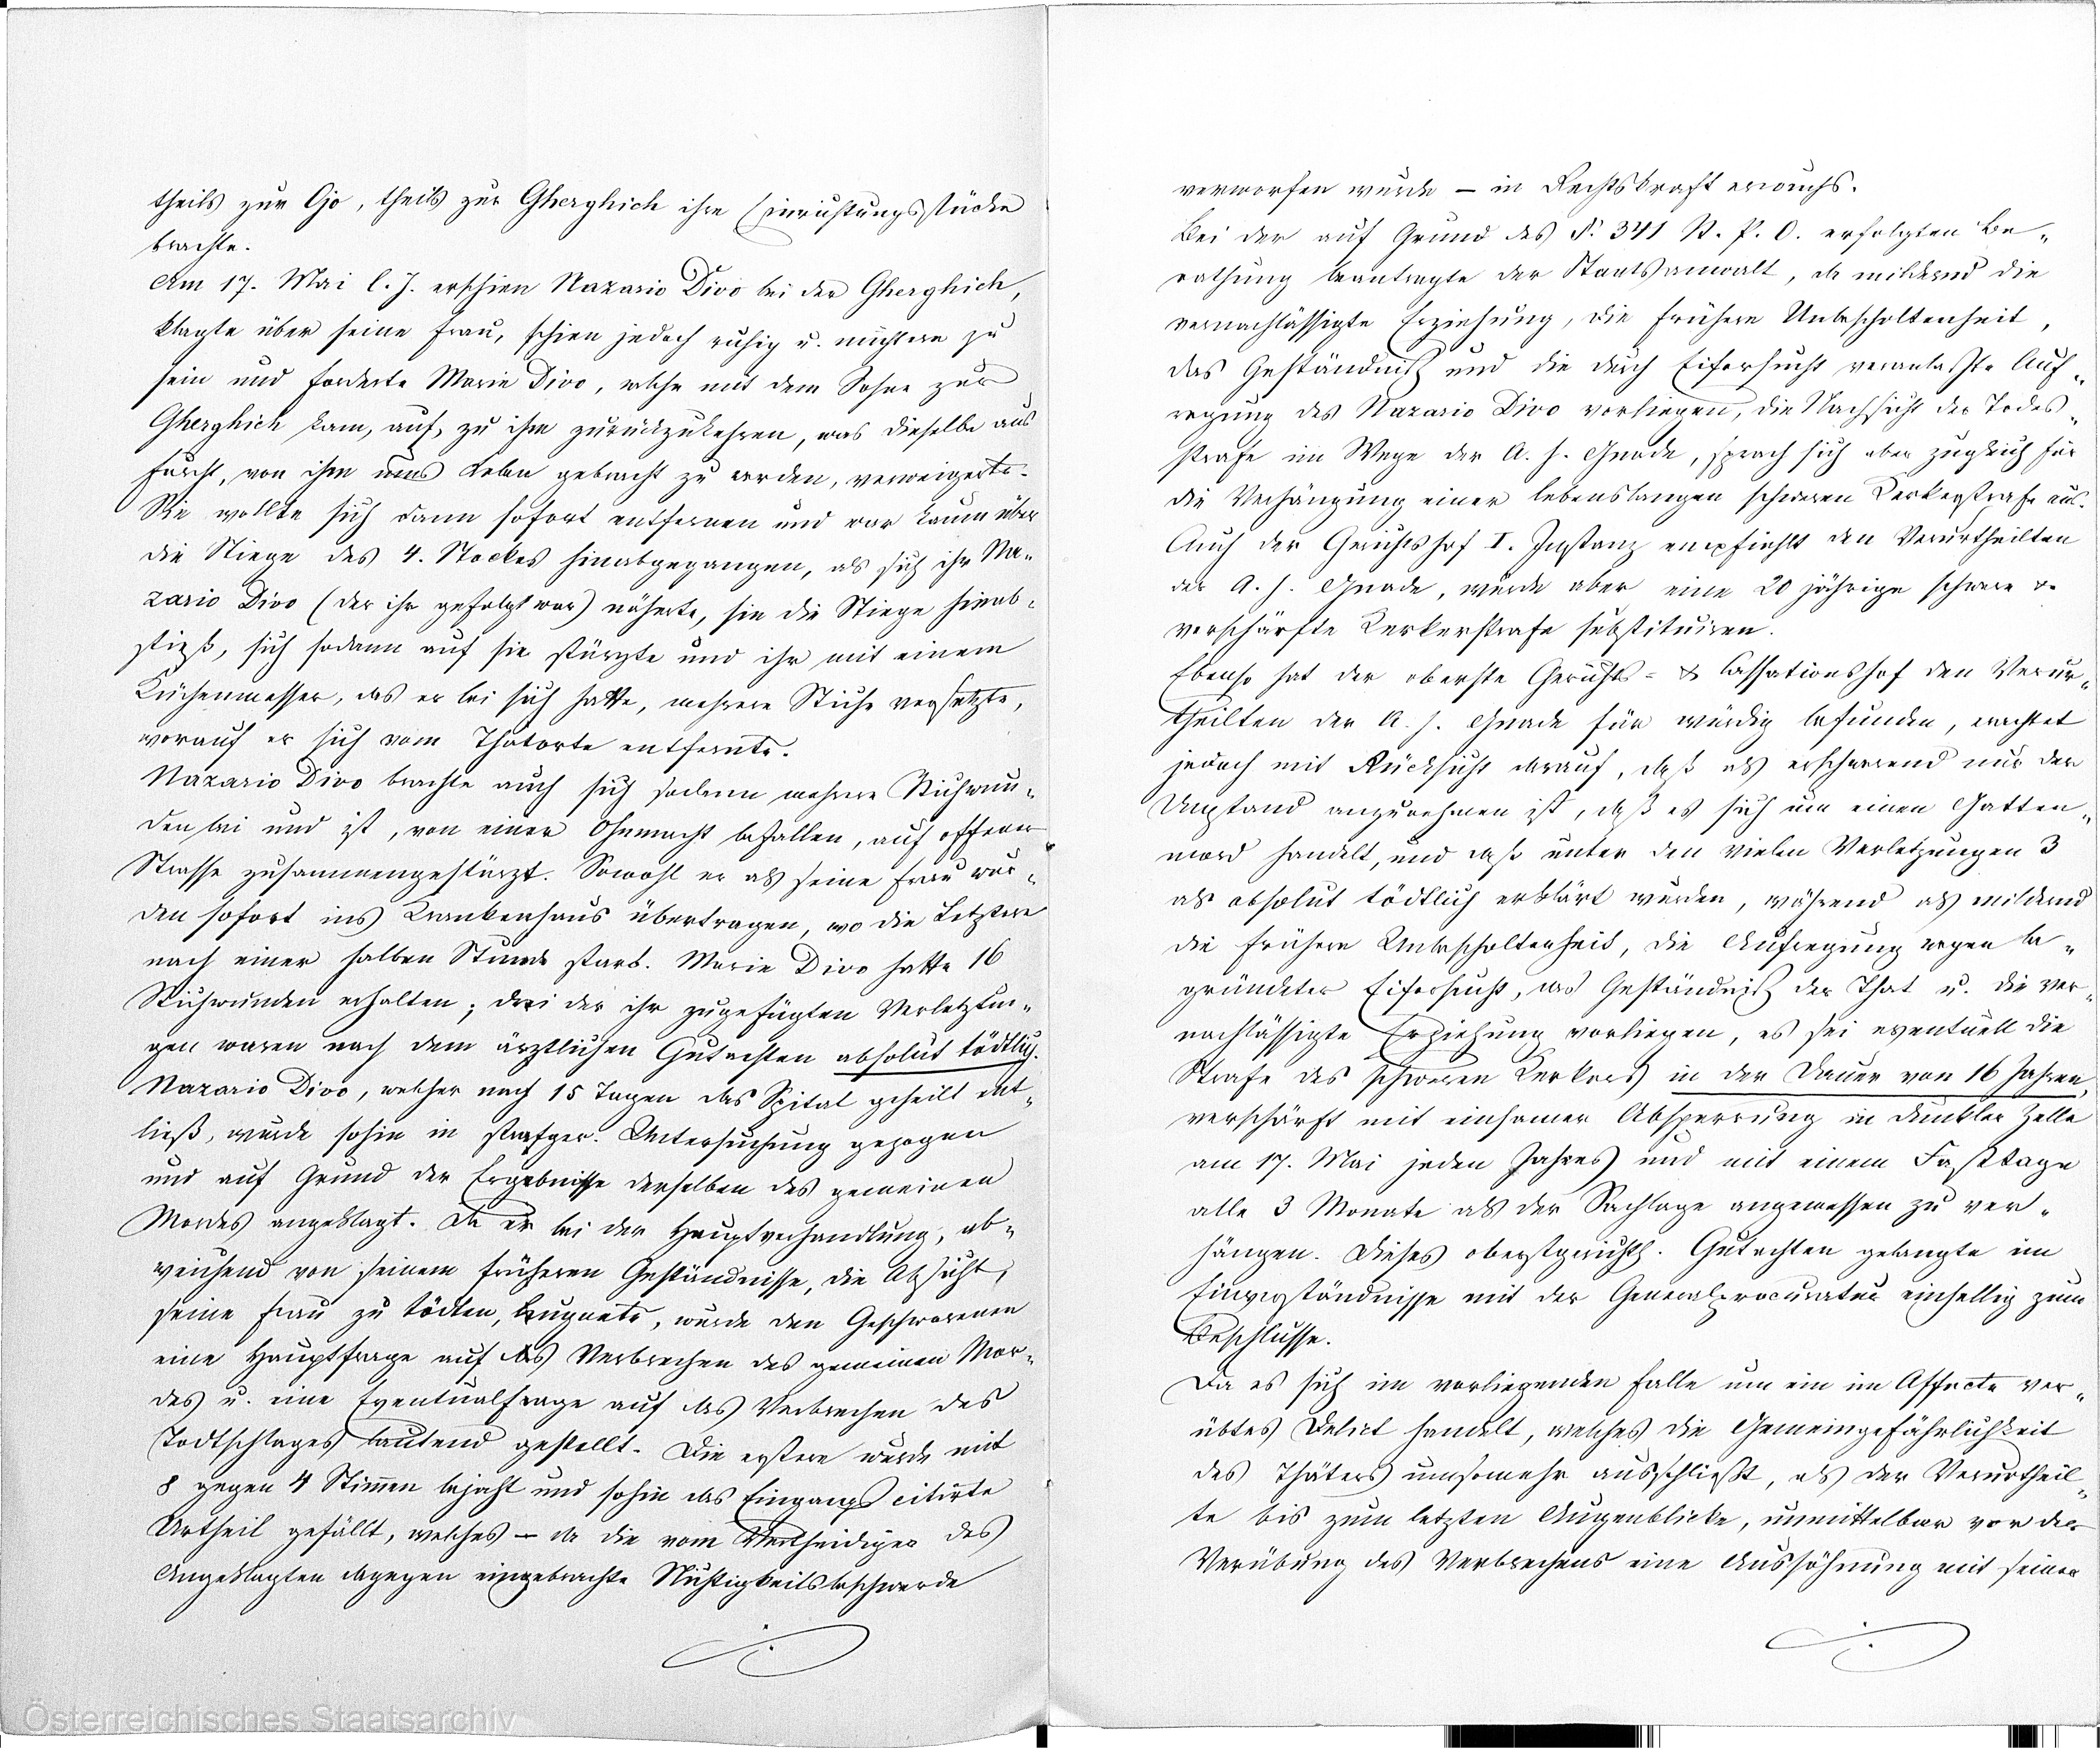theils zur Ojo, theils zur Gherghich ihre Einrichtungsstücke
trachte.
Am 17. Mai l.J. erschien Nazario Divo bei der Gherghich,
klagte über seine Frau, schien jedoch ruhig u. xx zu
sein nur Forderte Marie Divo, welche mit dem Sohne zur
Gherghich kam, auf, zu ihm zurückzukehren, was dieselbe aus
Furcht, von ihm ums Kolxx gebracht zu werden, verweigerte.
Sie wollte sich dann sofort entfernen und vor kaum über
die Stiege des 4. Stockes hinabgegangen, als sich ihr Na¬
zario Divo (der ihr gefolgt war) näherte, sie die Stiege hinab¬
stixx, sich sodann auf sie stürzte und ihr mit einem
Küchenmesser, das er bei sich hatte, mehrere Stiche versetzte,
worauf er sich vom Thatorte entfernte.
Nazario Divo brachte auch sich sodann mehrere Stichwun¬
den bei und ist, von einer Ohnmacht befallen, auf offener
Strasse zusammengestürzt. Sowohl er als seine Frau wur¬
den sofort ins Krankenhaus übertragen, wo die Letzten
nach einer halben Stunde starb. Marie Divo hatte 16
Richwunden erhalten; drei der ihr zugefügten Verletzun¬
gen waren nach dem ärztlichen Gutachten absolut tödtlich.
Nazario Divo, welcher nach 15 Tagen das Spital geheilt ent¬
ließ, wurde sohin in strafger. Untersuchung gezogen
und auf Grund der Ergebnisse derselben des gemeinen
Mordes angeklagt. Da er bei der Hauptverhandlung; ab¬
weichend von seinem früheren Geständnisse, die Absicht,
seine Frau zu tödten, leugnete, wurde den Geschworenen
eine Hauptfrage auf das Verbrechen des gemeinen Mor¬
des u. eine Eventualfrage auf das Verbrechen des
Todtschlages lautend gestellt. Die erstere wurde mit
8 gegen 4 Stimmen bejaht und sohin das Eingangs citirte
Urtheil gefällt, welches — xx die vom Verteidigen des
Angeklagten eingebrachte Nichtigkeitsbeschwerde
verworfen wurde — in Rechtskraft erwuchs.
Bei der auf Grund des §. 341 St. P. O. erfolgten Be¬
rathung beantragte der Staatsanwalt, da mildernd die
vernachlässigte Erziehung, die frühern Unbescholtenheit,
das Geständniß und die durch Eifersucht veranlaßte Auf¬
regung des Nazario Divo vorliegen, die Nachsicht der Todes¬
strafe im Wege der A. H. Gnade, sprach sich aber zugleich für
die Verhängung einer lebenslangen schweren Kerkerstrafe aus.
Auch der Gerichtshof I. Instanz empfiehlt den Verurtheilten
der A. H. Gnade, wurde aber eine 20 jährige schwere &
verschärfte Kerkerstrafe substituiren.
Ebenso hat der oberste Gerichts- & Cassationshof den Verur¬
theilten der A. H. Gnade für würdig befunden, erachtet
jedoch mit Rücksicht darauf, daß als erschwerend nur der
Unstand anzunehmen ist, daß es sich um einen Gatten¬
mord handelt, und daß unter den vielen Verletzungen 3
als absolut tödtlich erklärt wurden, während als mildernd
die frühern Unbescholtenheit, die Aufregung wewgen be¬
gründeter Eifersucht, das Geständnis der That u. die ver¬
nachlässigte Erziehung vorliegen, es sei eventuell die
Strafe des schweren Kerkers in der Dauer von 16 Jahren,
verschärft mit einsamen Absperrung in Dunkler Zelle
am 17. Mai jeden Jahres und mit einem Fasttage
alle 3 Monate als der Sachlage angemessen zu ver¬
hängen. Dieses oberstgericht. Gutachten gelangte im
Einverständnisse mit der Generalprocuratur einhellig zum
Beschlusse.
Da es sich im vorliegenden Falle um ein im Affecte ver¬
übtes Delict handelt, welches die Gemeingefährlichkeit
des Thäters umsomehr ausschlißt, als der Verurtheil¬
te bis zum letzten Augenblicke, unmittelbar von der
Verübung des Verbrechens eine Aussöhnung mit seiner